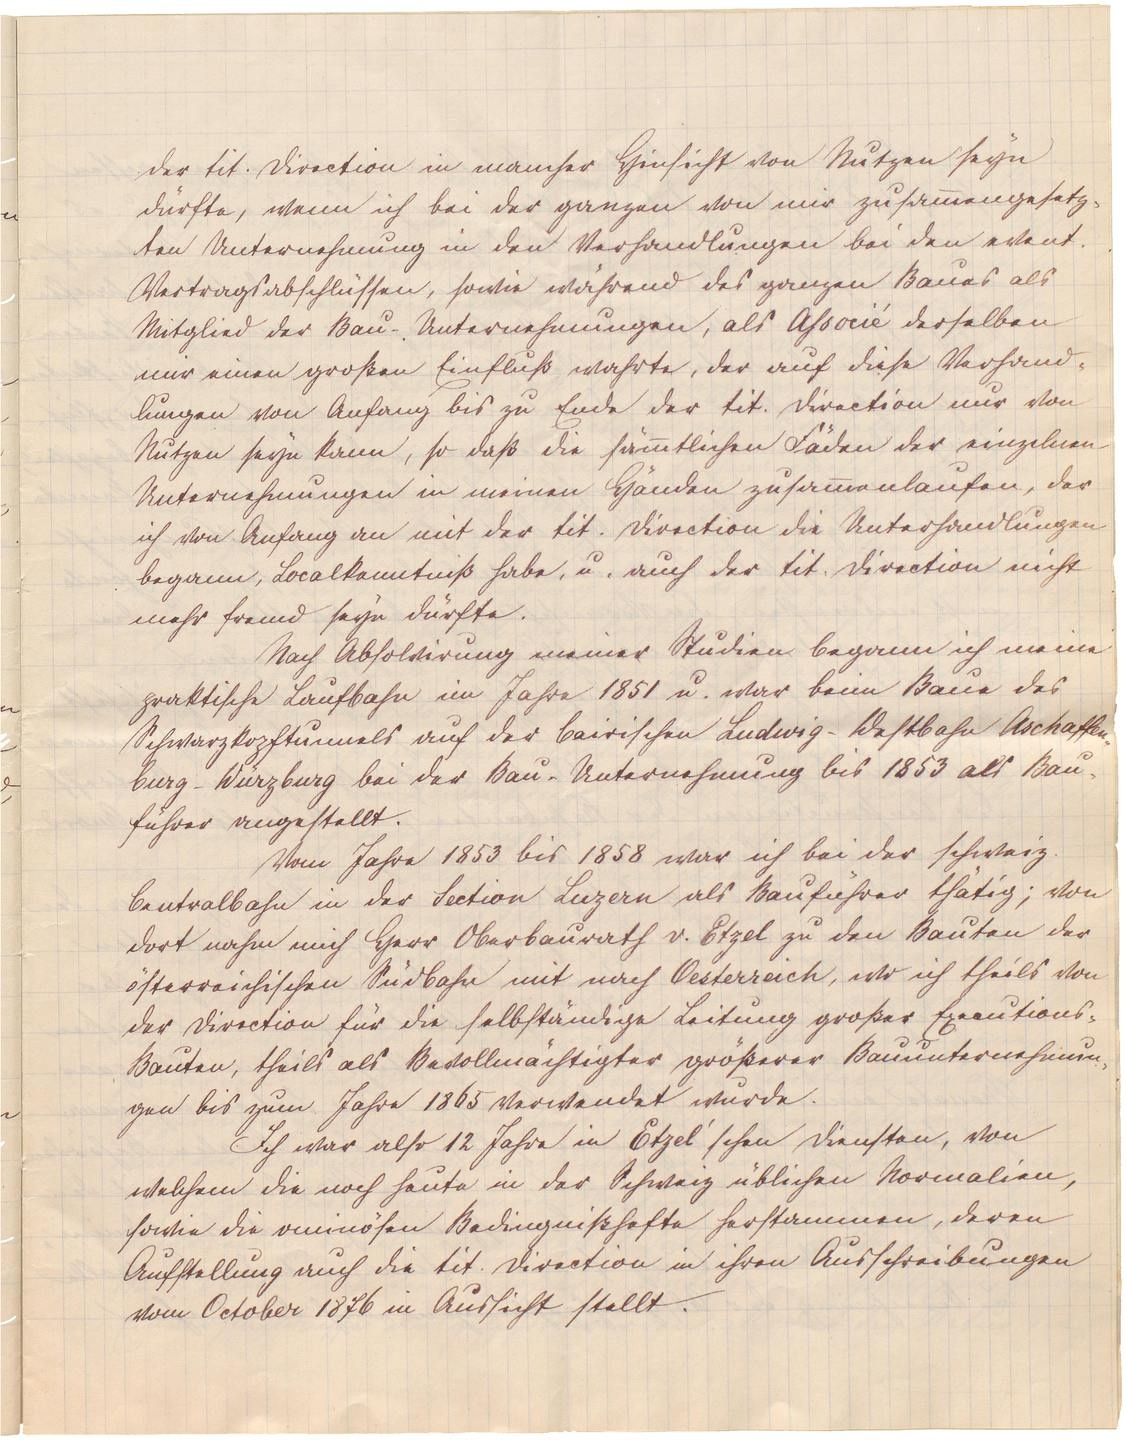der tit. Direction in mancher Hinsicht von Nutzen seyn
dürfte, wenn ich bei der ganzen von mir zusammengesetz-
ten Unternehmung in den Verhandlungen bei den event.
Vertragsabschlüssen, sowie während des ganzen Baues als
Mitglied der Bau- Unternehmungen, als Associé derselben
mir einen großen Einfluß wahrte, der auf diese Verhand-
lungen von Anfang bis zu Ende der tit. Direction nur von
Nutzen seyn kann, so daß die sämmtlichen Fäden der einzelnen
Unternehmungen in meinen Händen zusammenlaufen, der
ich von Anfang an mit der tit. Direction die Unterhandlungen
begann, Localkenntniß habe, u. auch der tit. Direction nicht
mehr fremd seyn dürfte.
Nach Absolvirung meiner Studien begann ich meine
praktische Laufbahn im Jahre 1851 u. war beim Baue des
Schwarzkopftunnels auf der bairischen Ludwig-Westbahn Aschaffen-
burg–Würzburg bei der Bau-Unternehmung bis 1853 als Bau-
führer angestellt.
Vom Jahre 1853 bis 1858 war ich bei der schweiz.
Centralbahn in der Section Luzern als Bauführer thätig; von
dort nahm mich Herr Oberbaurath v. Etzel zu den Bauten der
österreichischen Südbahn mit nach Oesterreich, wo ich theils von
der Direction für die selbständige Leitung großer Executions-
Bauten, theils als Bevollmächtigter größerer Bauunternehmun-
gen bis zum Jahre 1865 verwendet wurde.
Ich war also 12 Jahre in Etzel 'schen Diensten, von
welchen die noch heute in der Schweiz üblichen Normalien,
sowie die ominösen Bedingnißhefte herstammen, deren
Aufstellung auch die tit. Direction in ihren Ausschreibungen
vom October 1876 in Aussicht stellt.